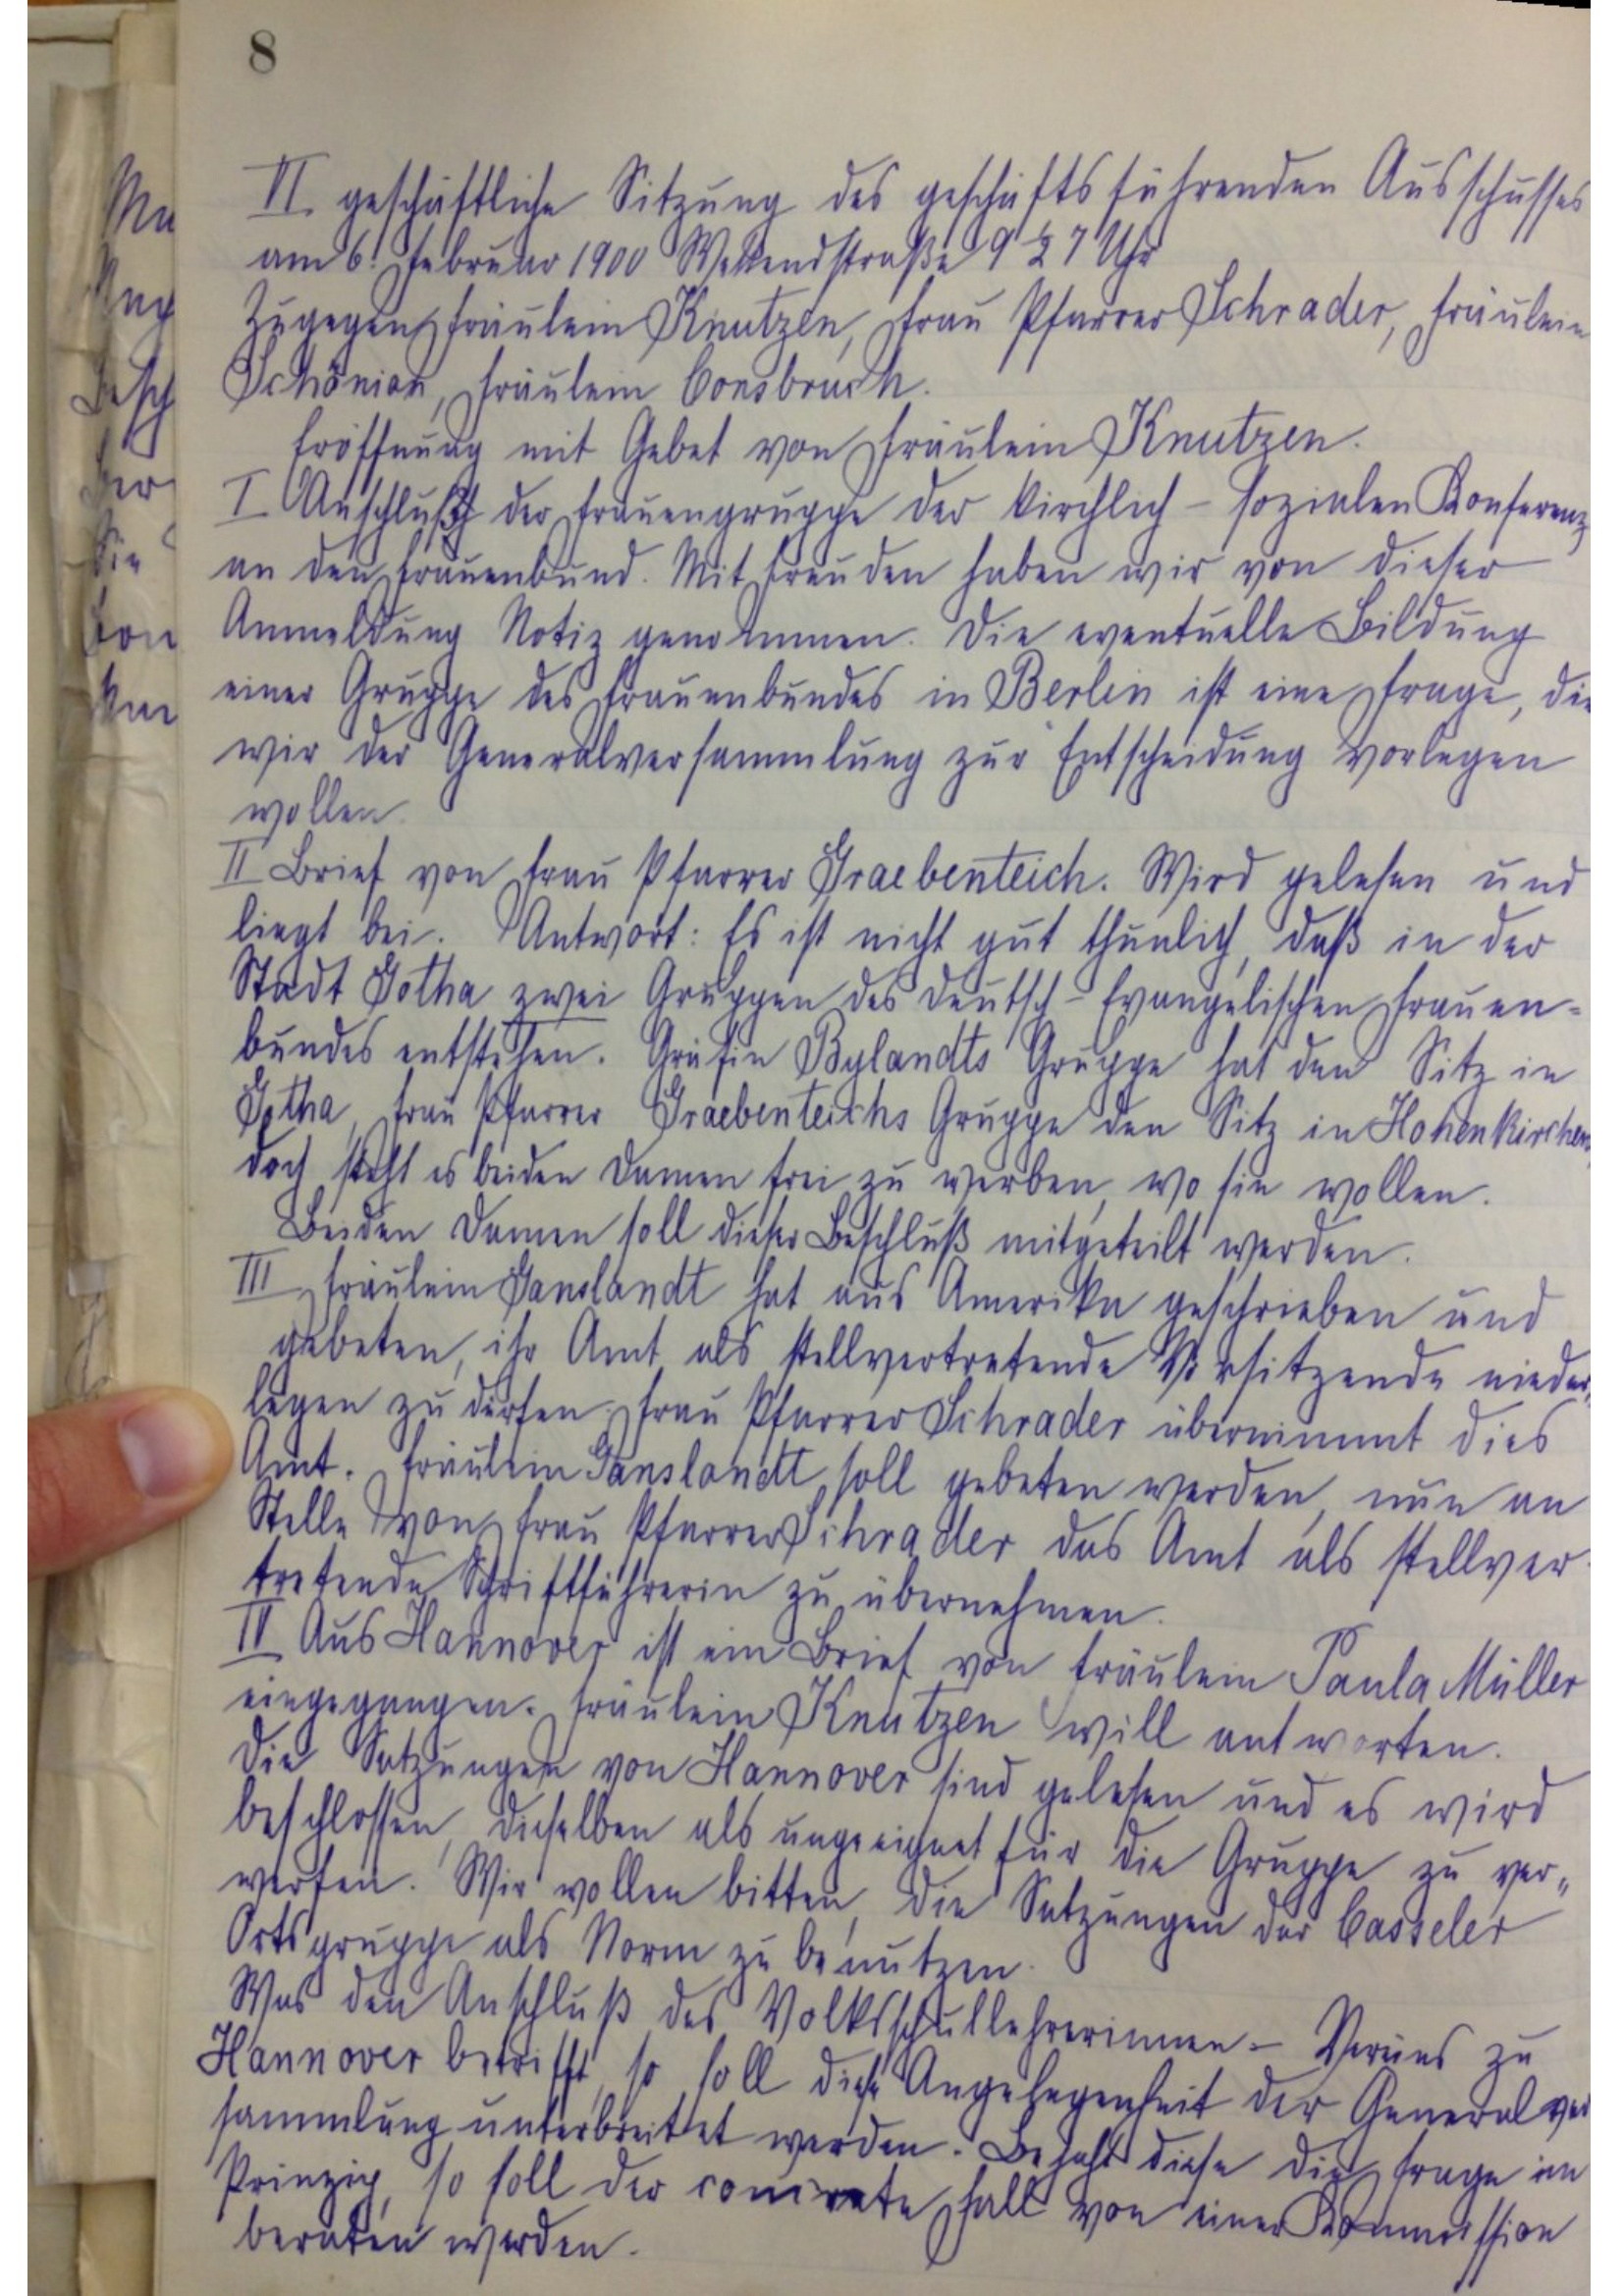VI . geschäftliche Sitzung des geschäftsführenden Ausschusses
am 6. Februar 1900 Westendstraße 9 ½7 Uhr
Zugegen: Fäulein Knutzen, Frau Pfarrer Schrader,Fräulein
Schönian, Fräulein Consbruck
Eröffnung mit Gebet von Fräulein Knutzen
I Anschluß der Frauengruppe der kirchlich-sozialen Konferenz
an den Frauenbund. Mit Freuden haben wir von dieser
Anmeldung Notiz genommen. Die eventuelle Bildung
einer Gruppe des Frauenbundes in Berlin ist eine Frage, die
wir der Generalversammlung zur Entscheidung vorlegen
wollen.
II Brief von Frau Pfarrer Graebenteich. Wird gelesen
und liegt bei. Antwort: Es ist nicht gut thunlich, daß in der
Stadt Gotha zwei Gruppen des Deutsch-Evangelischen Frauen
bundes entstehen. Gräfin Bylands Gruppe hat den Sitz in
Gotha, Frau Pfarrer Graebenteichs Gruppe den Sitz in Hohenkirchen
doch steht es beiden Damen frei zu werben wo sie wollen.
Beiden Damen soll dieser Beschluß mitgeteilt werden.
III Fräulein Ganslandt hat aus Amerika geschrieben und
gebeten, ihr Amt als Stellvertretende Vorsitzende nieder
legen zu dürfen. Frau Pfarrer Schrader übernimmt dies
Amt. Fräulein Ganslandt soll gebeten werden nun an
Stelle von Frau Pfarrer Schrader das Amt als Stellver
tretende Schriftführerin zu übernehmen.
IV Aus Hannover ist ein Brief von Fräulein Paula Müller
eingegangen. Fäulein Knutzen will antworten.
Die Satzungen von Hannover sind gelesen und es wird
beschlossen dieselben als ungeeignet für die Gruppe zu ver
werfen. Wir wollen bitten die Satzungen der Casseler
Ortsgruppe als Norm zu benutzen.
Was den Anschluß des Volksschulleherinnen-Vereins zu
Hannover betrifft, so soll diese Angelegenheit der Gerneralver
sammlung unterbreitet werden. Bejaht diese die Frage
im Prinzip so soll der concrete Fall von einer Kommission
beraten werden.